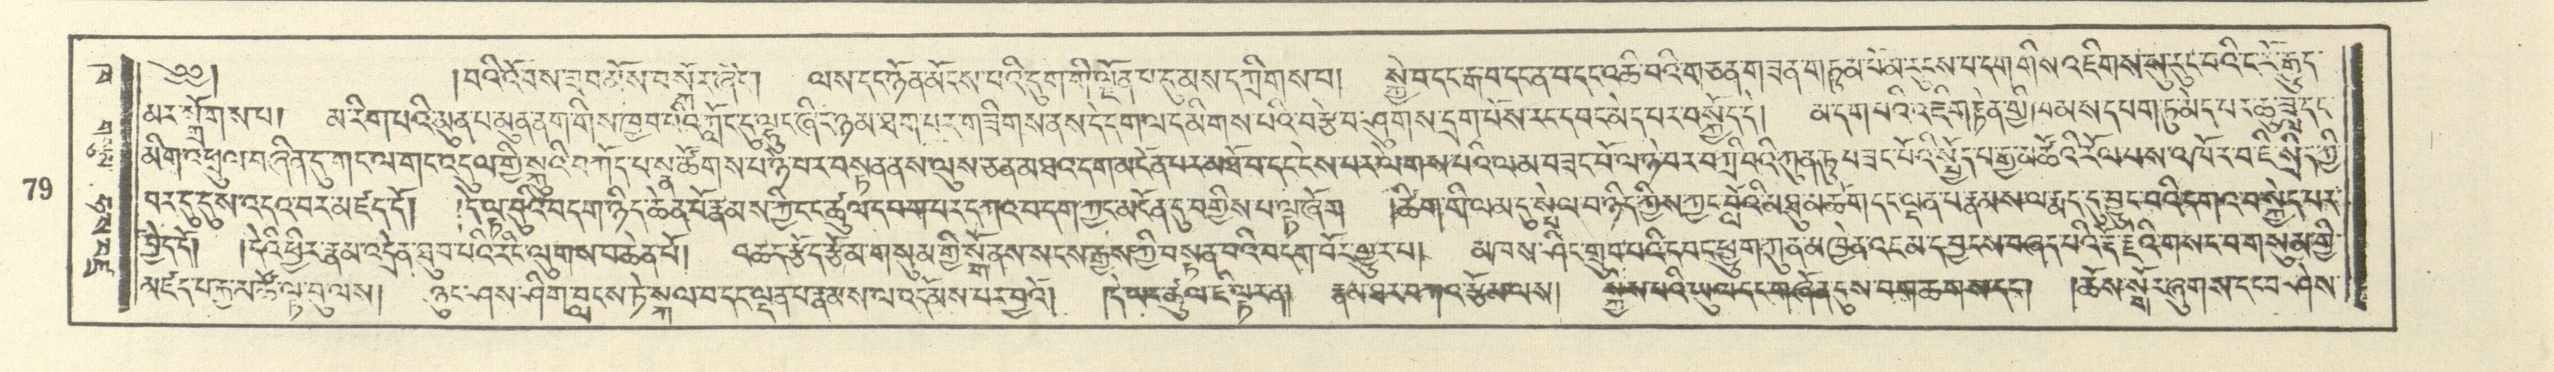༄༅། །བའི་འོ་བས་ཟབ་མོས་བསྐོར་ཞིང་། ལས་དང་ཉོན་མོངས་པའི་དུག་གི་ལྗོན་པ་དུ་མས་དཀྲིགས་པ། སྐྱེ་བ་དང་རྒ་བ་དང་ན་པ་དང་འཆི་བའི་གཅན་གཟན་གཏུམ་བོ་མ་རུངས་པ་དག་གིས་འཇིགས་སུ་རུང་བའི་ང་རོ་རྒྱུད་
མར་སྒྲོགས་པ། མ་རིག་པའི་མུན་པ་མུན་ནག་གིས་ཁྱབ་པའི་ཀློང་དུ་ལྷུང་ཞིང་ཉམ་ཐག་པར་གཟིགས་ནས་དེ་དག་ལ་དམིགས་པའི་བརྩེ་བ་ཤུགས་དྲག་པོས་རང་དབང་མེད་པར་བསྐྱོད་དེ། མ་དག་པའི་འཇིག་རྟེན་གྱི་ཁམས་དཔག་ཏུ་མེད་པར་ཆུ་ཟླ་དང་
མིག་འཕྲུལ་བཞིན་དུ་གང་ལ་གང་འདུལ་གྱི་སྐུའི་བཀོད་བ་སྣ་ཚོགས་པ་ཉེ་བར་བསྟན་ནས་ལུས་ཅན་མཐའ་དག་མངོན་པར་མཐོ་བ་དང་ངེས་པར་ལེགས་པའི་ལམ་བཟང་པོ་ལ་ཉེ་བར་བཀྲི་བའི་ཀུན་ཏུ་བཟང་པོའི་སྤྱོད་པ་རྒྱ་མཚོའི་རོལ་པས་འཁོར་བ་ཇི་སྲིད་ཀྱི་
བར་དུ་དུས་འདའ་བར་མཛད་དོ། །དེ་ལྟ་བུའི་བདག་ཉིད་ཆེན་པོ་རྣམས་ཀྱི་ངང་ཚུལ་དཔག་པར་དཀའ་བ་དག་ཀྱང་མངོན་དུ་བགྱིས་པ་ལྟ་ཞོག །ཚིག་གི་ལམ་དུ་སྤེལ་བ་ཉིད་ཀྱིས་ཀྱང་བློའི་མཐུ་མཆོག་དང་ལྡན་པ་རྣམས་ལ་རྨད་དུ་བྱུང་བའི་དགའ་བསྐྱེད་པར་
བྱེད་དོ། །དེའི་ཕྱིར་རྣམ་འདྲེན་ཐུབ་པའི་རིང་ལུགས་པ་ཆེན་པོ། འཆད་རྩོད་རྩོམ་གསུམ་གྱི་སྒོ་ནས་སངས་རྒྱས་ཀྱི་བསྟན་པའི་བདག་པོར་གྱུར་པ། མཁས་ཤིང་གྲུབ་པའི་དབང་ཕྱུག་ཀུན་མཁྱེན་འཇམ་དབྱངས་བཞད་པའི་རྡོ་རྗེའི་གསང་བ་གསུམ་གྱི་
མཛད་པ་རྒྱ་མཚོ་ལྟ་བུ་ལས། ཉུང་ཤས་ཤིག་བླངས་ཏེ་སྐལ་བ་དང་ལྡན་པ་རྣམས་ལ་འདོམས་པར་བྱའོ། །དེ་ཡང་ཚུལ་ཇི་ལྟར་ན། རྣམ་ཐར་བཀའ་རྩོམ་ལས། སྐྱེས་པའི་ཡུལ་དང་གཞོན་དུས་བག་ཆགས་དང་། །ཆོས་སྒོར་ཞུགས་དང་བཤེས་